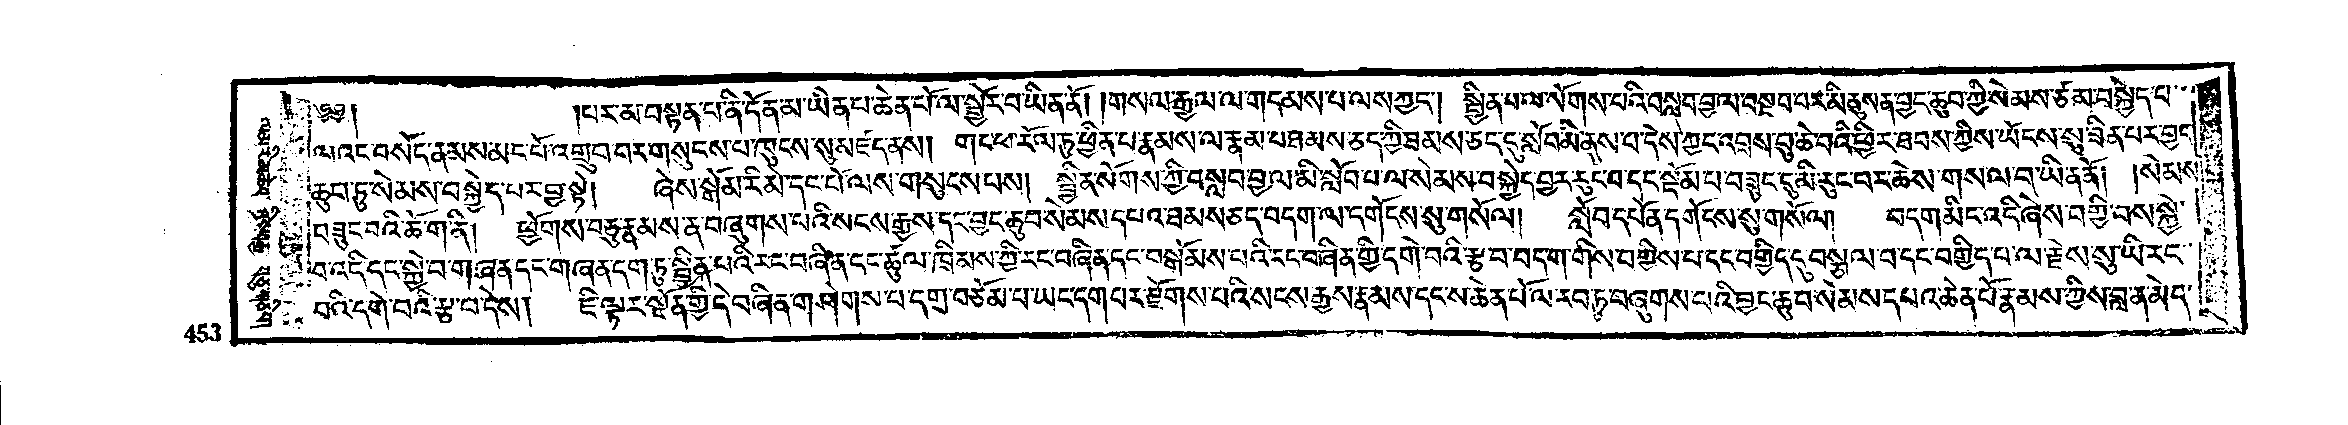༄༅། །པར་མ་བསྟན་པ་ནི་དོན་མ་ཡིན་པ་ཆེན་པོ་ལ་སྦྱོར་བ་ཡིན་ནོ། །གསལ་རྒྱལ་ལ་གདམས་པ་ལས་ཀྱང་། སྦྱིན་པ་ལ་སོགས་པའི་བསླབ་བྱ་ལ་བསླབ་པར་མི་ནུས་ན་བྱང་ཆུབ་ཀྱི་སེམས་ཙམ་བསྐྱེད་པ་
ལའང་བསོད་ནམས་མང་པོ་འགྲུབ་པར་གསུངས་པ་ཁུངས་སུ་མཛད་ནས། གང་ཕ་རོལ་ཏུ་ཕྱིན་པ་རྣམས་ལ་རྣམ་པ་ཐམས་ཅད་ཀྱི་ཐམས་ཅད་དུ་སློབ་མི་ནུས་པ་དེས་ཀྱང་འབྲས་བུ་ཆེ་བའི་ཕྱིར་ཐབས་ཀྱིས་ཡོངས་སུ་ཟིན་པར་བྱང་
ཆུབ་ཏུ་སེམས་བསྐྱེད་པར་བྱ་སྟེ། ཞེས་སྒོམ་རིམ་དང་པོ་ལས་གསུངས་པས། སྦྱིན་སོགས་ཀྱི་བསླབ་བྱ་ལ་མི་སློབ་པ་ལ་སེམས་བསྐྱེད་བྱར་རུང་བ་དང་སྡོམ་པ་བཟུང་དུ་མི་རུང་བར་ཆེས་གསལ་བ་ཡིན་ནོ། །སེམས་
བཟུང་བའི་ཆོག་ནི། ཕྱོགས་བཅུ་རྣམས་ན་བཞུགས་པའི་སངས་རྒྱས་དང་བྱང་ཆུབ་སེམས་དཔའ་ཐམས་ཅད་བདག་ལ་དགོངས་སུ་གསོལ། སློབ་དཔོན་དགོངས་སུ་གསོལ། བདག་མིང་འདི་ཞེས་བགྱི་བས་སྐྱེ་
བ་འདི་དང་སྐྱེ་བ་གཞན་དང་གཞན་དག་ཏུ་སྦྱིན་པའི་རང་བཞིན་དང་ཚུལ་ཁྲིམས་ཀྱི་རང་བཞིན་དང་བསྒོམས་པའི་རང་བཞིན་གྱི་དགེ་བའི་རྩ་བ་བདག་གིས་བགྱིས་པ་དང་བགྱིད་དུ་བསྩལ་བ་དང་བགྱིད་པ་ལ་རྗེས་སུ་ཡི་རང་
བའི་དགེ་བའི་རྩ་བ་དེས། ཇི་ལྟར་སྔོན་གྱི་དེ་བཞིན་གཤེགས་པ་དགྲ་བཅོམ་པ་ཡང་དག་པར་རྫོགས་པའི་སངས་རྒྱས་རྣམས་དང་ས་ཆེན་པོ་ལ་རབ་ཏུ་བཞུགས་པའི་བྱང་ཆུབ་སེམས་དཔའ་ཆེན་པོ་རྣམས་ཀྱིས་བླ་ན་མེད་